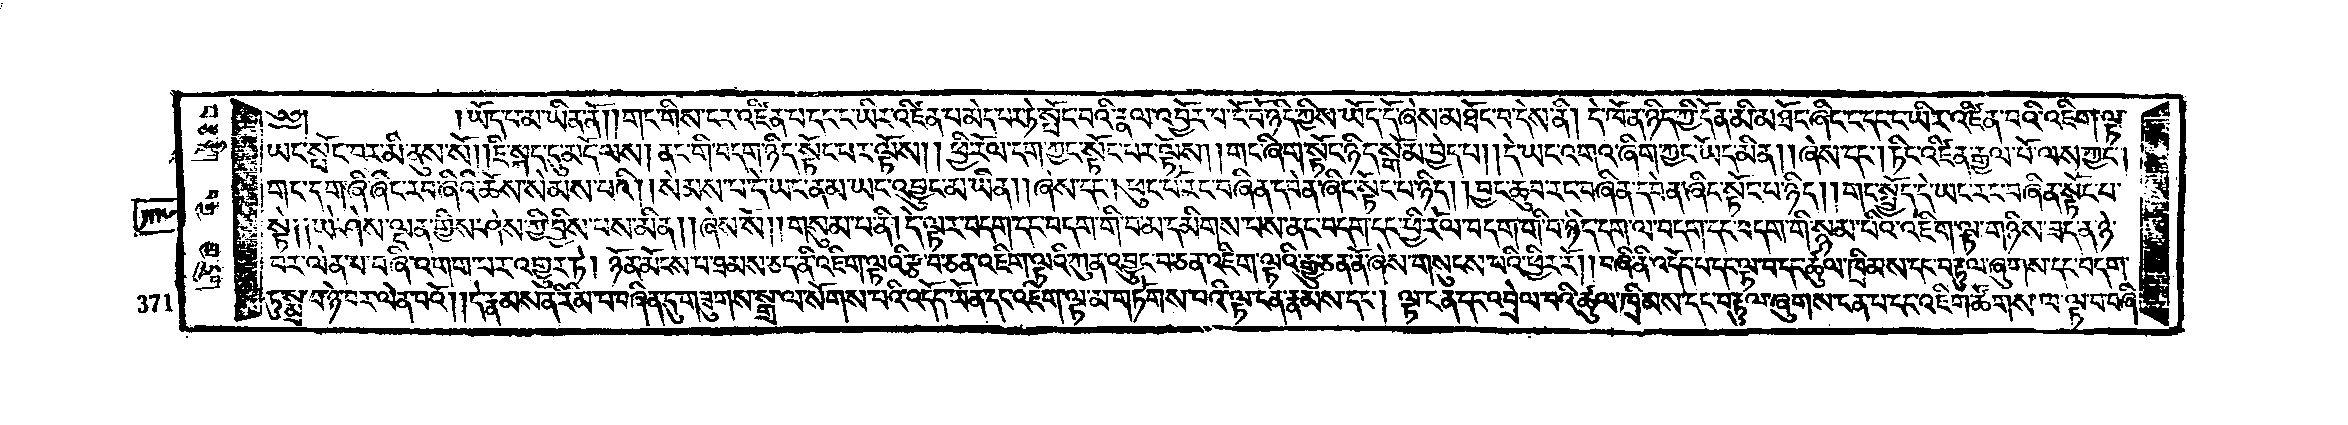༄༅། །ཡོད་པ་མ་ཡིན་ནོ། །གང་གིས་ངར་འཛིན་པ་དང་ང་ཡིར་འཛིན་པ་མེད་པར་ཏེ་སྤོང་བའི་རྣལ་འབྱོར་པ་ངོ་བོ་ཉིད་ཀྱིས་ཡོད་དོ་ཞེས་མཐོང་བ་དེས་ནི། དེ་ཁོ་ན་ཉིད་ཀྱི་དོན་མི་མཐོང་ཞིང་ང་དང་ང་ཡིར་འཛིན་པའི་འཇིག་ལྟ་
ཡང་སྤོང་བར་མི་ནུས་སོ། །ཇི་སྐད་དུ་མདོ་ལས། ནང་གི་བདག་ཉིད་སྟོང་པར་ལྟོས། །ཕྱི་རོལ་དག་ཀྱང་སྟོང་པར་ལྟོས། །གང་ཞིག་སྟོང་ཉིད་སྒོམ་བྱེད་པ། །དེ་ཡང་འགའ་ཞིག་ཀྱང་ཡོད་མིན། །ཞེས་དང་། ཏིང་འཛིན་རྒྱལ་པོ་ལས་ཀྱང་།
གང་དག་ཞི་ཞིང་རབ་ཞིའི་ཆོས་སེམས་པའི། །སེམས་པ་དེ་ཡང་ནམ་ཡང་འབྱུང་མ་ཡིན། །ཞེས་དང་། ཕུང་པོ་རང་བཞིན་དབེན་ཞིང་སྟོང་པ་ཉིད། །བྱང་ཆུབ་རང་བཞིན་དབེན་ཞིང་སྟོང་པ་ཉིད། །གང་སྤྱོད་དེ་ཡང་རང་བཞིན་སྟོང་པ་
སྟེ༑ ༑ཡེ་ཤེས་ལྡན་གྱིས་ཤེས་ཀྱི་བྱིས་པས་མིན། །ཞེས་སོ། །གསུམ་པ་ནི། དེ་ལྟར་བདག་དང་བདག་གི་བ་མ་དམིགས་པས་ནང་བདག་དང་ཕྱི་རོལ་བདག་གི་བ་ཉིད་དག་ལ་བདག་དང་བདག་གི་སྙམ་པའི་འཇིག་ལྟ་གཉིས་ཟད་ན་ཉེ་
བར་ལེན་པ་བཞི་འགག་པར་འགྱུར་ཏེ། ཉོན་མོངས་པ་ཐམས་ཅད་ནི་འཇིག་ལྟའི་རྩ་བ་ཅན་འཇིག་ལྟའི་ཀུན་འབྱུང་བ་ཅན་འཇིག་ལྟའི་རྒྱུ་ཅན་ནི་ཞེས་གསུངས་པའི་ཕྱིར་རོ། །བཞི་ནི་འདོད་པ་དང་ལྟ་བ་དང་ཚུལ་ཁྲིམས་དང་བརྟུལ་ཞུགས་དང་བདག་
ཏུ་སྨྲ་བ་ཉེ་བར་ལེན་པའོ། །དེ་རྣམས་ནི་རིམ་པ་བཞིན་དུ་གཟུགས་སྒྲ་ལ་སོགས་པའི་འདོད་ཡོན་དང་འཇིག་ལྟ་མ་གཏོགས་པའི་ལྟ་ངན་རྣམས་དང་། ལྟ་ངན་དང་འབྲེལ་བའི་ཚུལ་ཁྲིམས་དང་བརྟུལ་ཞུགས་ངན་པ་དང་འཇིག་ཚོགས་ལ་ལྟ་བ་བཞི་